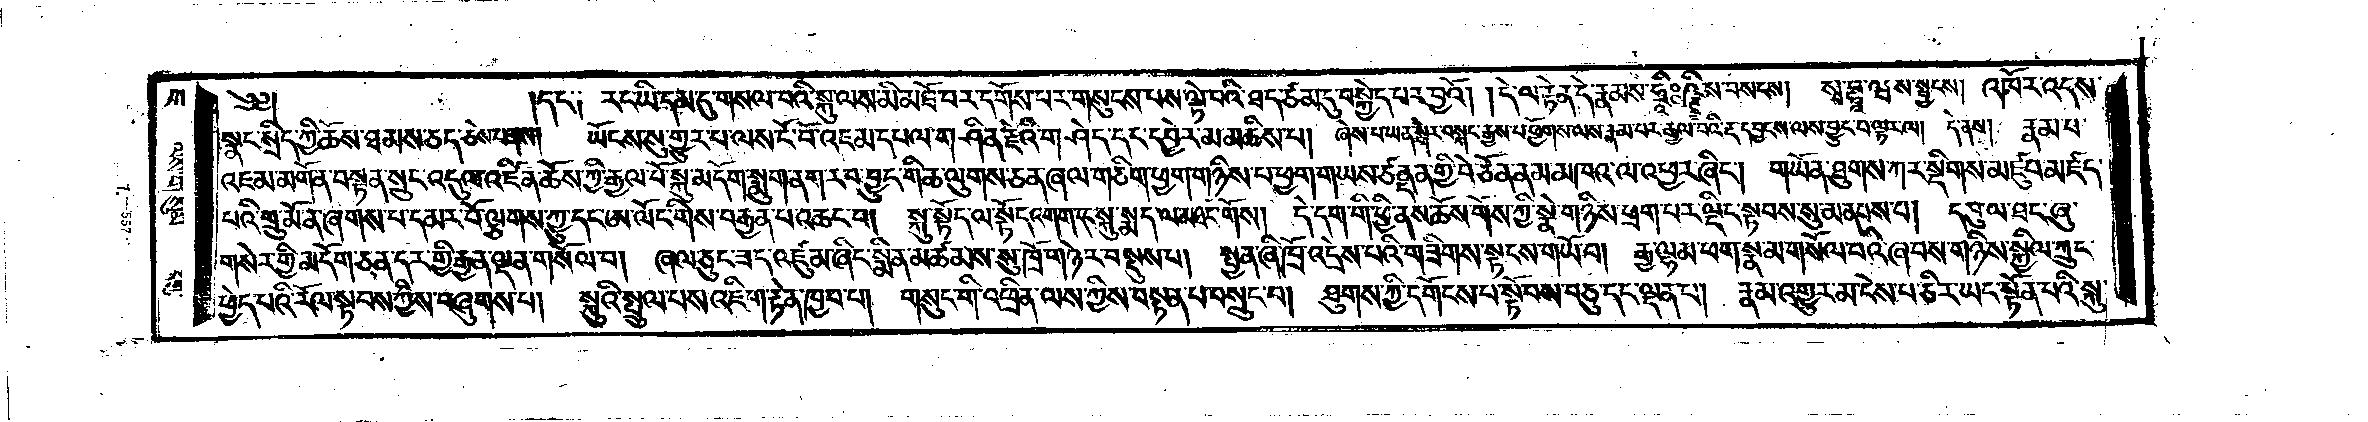༄༅། །དང༑ རང་ཡི་དམ་དུ་གསལ་བའི་སྐུ་ལས་མི་མཐོ་བར་དགོས་པར་གསུངས་པས་ལྟེ་བའི་ཐད་ཙམ་དུ་བསྐྱེད་པར་བྱའོ། །དེ་ལ་རྟེན་དེ་རྣམས་ཧྲཱིཿཥྚིས་བསངས། སྭ་བྷཱ་ཝས་སྦྱངས། འཁོར་འདས་
སྣང་སྲིད་ཀྱི་ཆོས་ཐམས་ཅད་ཅེས་པ་ནས། ཡོངས་སུ་གྱུར་པ་ལས་ངོ་བོ་འཇམ་དཔལ་གཤིན་རྗེའི་གཤེད་དང་དབྱེར་མ་མཆིས་པ། ཞེས་པ་ཡན་སྒེར་བསྐང་རྒྱས་པ་ཕྱོགས་ལས་རྣམ་པར་རྒྱལ་བའི་རྔ་དབྱངས་ལས་བྱུང་བ་ལྟར་ལ། དེ་ནས།  རྣམ་པ་
འཇམ་མགོན་བསྟན་སྲུང་འདུལ་འཛིན་ཆོས་ཀྱི་རྒྱལ་པོ་སྐུ་མདོག་སྨུག་ནག་རབ་བྱུང་གི་ཆ་ལུགས་ཅན་ཞལ་གཅིག་ཕྱག་གཉིས་པ་ཕྱག་གཡས་ཙནྡན་གྱི་བེ་ཅོན་ནམ་མཁའ་ལ་འཕྱར་ཞིང་། གཡོན་ཐུགས་ཀར་སྡིགས་མཛུབ་མཛད་
པའི་གྲུ་མོན་ཞབས་པ་དམར་པོ་ལྕགས་ཀྱུ་དང་ཨ་ལོང་གིས་བརྒྱན་པ་འཆང་བ། སྐུ་སྟོད་ལ་སྟོད་འགག་དང་སྐུ་སྨད་ལ་མཐང་གོས། དེ་དག་གི་ཕྱི་ནས་ཆོས་གོས་ཀྱི་སྣེ་གཉིས་ཕྲག་པར་ལྡིང་སྟབས་སུ་མ་ནབས་པ། དབུ་ལ་ཐང་ཞུ་
གསེར་གྱི་མདོག་ཅན་དར་གྱི་རྒྱན་ལྡན་གསོལ་བ། ཞལ་ཅུང་ཟད་འཛུམ་ཞིང་སྨིན་མཚམས་སུ་ཁྲོ་གཉེར་བསྡུས་པ། སྤྱན་ཞི་ཁྲོ་འདྲེས་པའི་གཟིགས་སྟངས་གཡོ་བ། རྒྱ་ལྷམ་ཕག་སྣ་མ་གསོལ་བའི་ཞབས་གཉིས་སྐྱིལ་ཀྲུང་
ཕྱེད་པའི་རོལ་སྟབས་ཀྱིས་བཞུགས་པ། སྐུའི་སྤྲུལ་པས་འཇིག་རྟེན་ཁྱབ་པ། གསུང་གི་འཕྲིན་ལས་ཀྱིས་བསྟན་པ་བསྲུང་པ། ཐུགས་ཀྱི་དགོངས་པ་སྟོབས་བཅུ་དང་ལྡན་པ། རྣམ་འགྱུར་མ་ངེས་པ་ཅིར་ཡང་སྟོན་པའི་སྐུ་